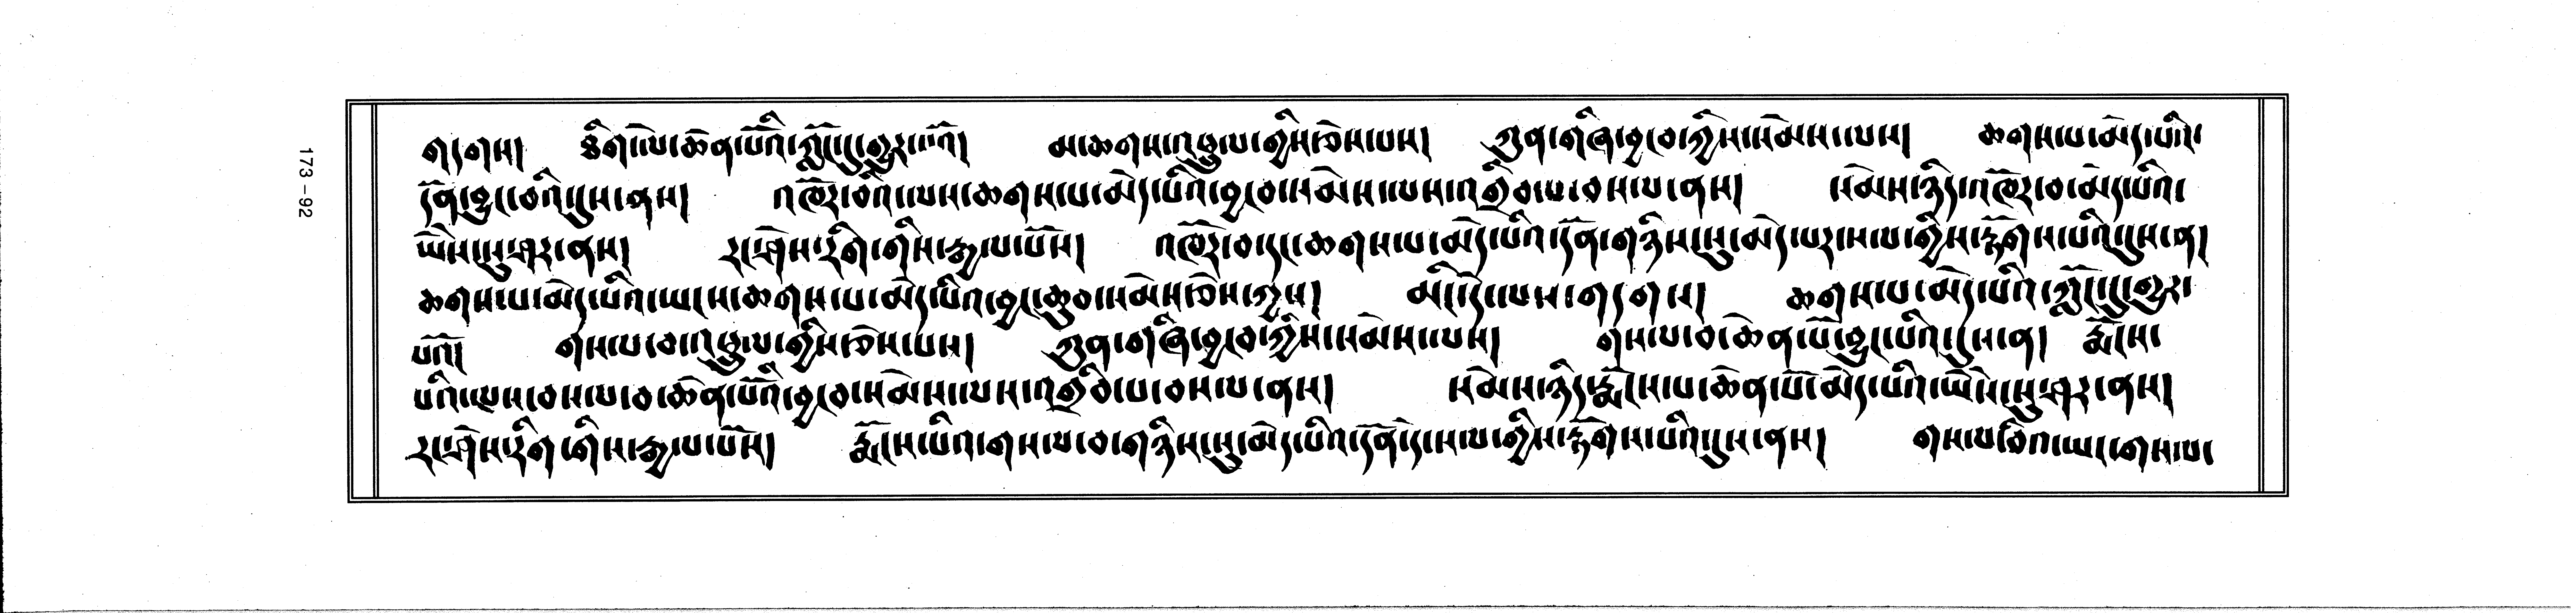གདགས། ཐིག་ལེ་ཆེན་པོའི་ཀློང་དུ་གྱུར་པའོ། །མ་ཆགས་འཕྲུལ་གྱིས་ཅེས་པས། ཀུན་གཞི་བྱང་ཆུབ་ཀྱི་སེམས་ལས། ཆགས་པ་མེད་པའི་
དོན་བྱུང་བའི་དུས་ནས། འཁོར་བའི་ལས་ཆགས་པ་མེད་པའི་བྱང་ཆུབ་སེམས་ལས་འགྲིབ་པ་བསལ་ནས། སེམས་ཉིད་འཁོར་བ་མེད་པའི་
ཡེ་ཤེས་སུ་ཤར་ནས། རང་ཤེས་རིག་གི་རྒྱལ་པོས། འཁོར་བ་དང་ཆགས་པ་མེད་པའི་དོན་གཉིས་སུ་མེད་པར་སལ་གྱིས་རྟོགས་པའི་དུས་ན། 
ཆགས་པ་མེད་པའི་ཡང་ཆགས་པ་མེད་པའི་བྱང་ཆུབ་སེམས་ཅེས་ཀྱིས། མིང་དེ་ལས་གདགས། ཆགས་པ་མེད་པའི་ཀློང་དུ་གྱུར་
པའོ། གསལ་བ་འཕྲུལ་གྱིས་ཅེས་པས། ཀུན་གཞི་བྱང་ཆུབ་ཀྱི་སེམས་ལས། གསལ་བ་ཆེན་པོ་བྱུང་བའི་དུས་ན། རྨོངས་
པའི་ལས་བསལ་བ་ཆེན་པོའི་བྱང་ཆུབ་སེམས་ལས་འགྲིབ་པ་བསལ་ནས། སེམས་ཉིད་རྨོངས་པ་ཆེན་པོ་མེད་པའི་ཡེ་ཤེས་སུ་ཤར་ནས། 
རང་ཤེས་རིག་གི་རྒྱལ་པོས། རྨོངས་པའི་གསལ་བ་གཉིས་སུ་མེད་པའི་དོན་དེ་སལ་གྱིས་རྟོགས་པའི་དུས་ན། གསལ་བའི་ཡང་གསལ་